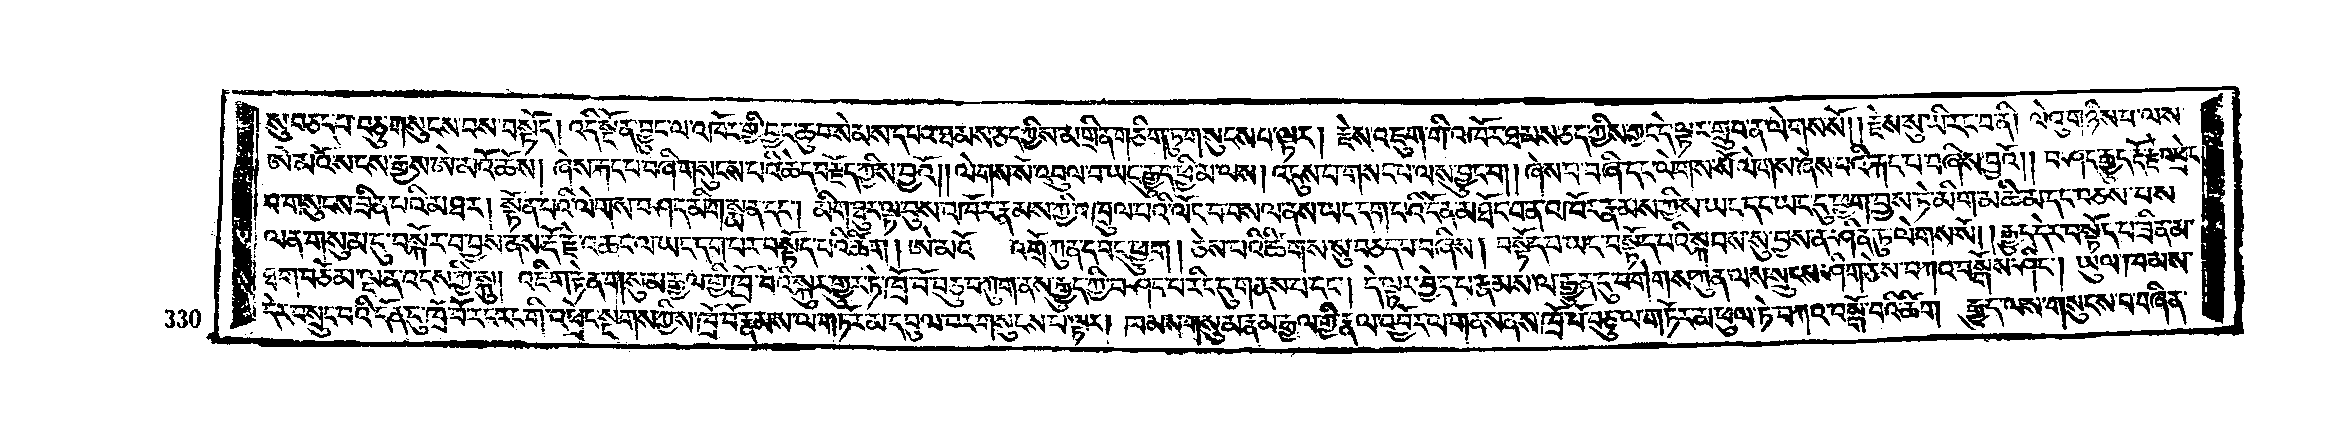སུ་བཅད་པ་བཅུ་གསུངས་པས་བསྟོད། འདི་སྔོན་བྱུང་ལ་འཁོར་གྱི་བྱང་ཆུབ་སེམས་དཔའ་ཐམས་ཅད་ཀྱིས་མགྲིན་གཅིག་ཏུ་གསུངས་པ་ལྟར། རྗེས་འཇུག་གི་འཁོར་ཐམས་ཅད་ཀྱིས་ཀྱང་དེ་ལྟར་གྲུབ་ན་ལེགས་སོ། །རྗེས་སུ་ཡི་རང་བ་ནི། ལེའུ་གཉིས་པ་ལས་
ཨེ་མའོ་སངས་རྒྱས་ཨེ་མའོ་ཆོས། ཞེས་རྐང་པ་བཞི་གསུངས་པའི་ཆེད་བརྗོད་ཀྱིས་བྱའོ། །ལེགས་སོ་འབུལ་བ་ཡང་རྒྱུད་ཕྱི་མ་ལས། འདུས་པ་གསང་བ་ལས་བྱུང་བ། །ཞེས་པ་བཞི་དང་ལེགས་སོ་ལེགས་ཞེས་པའི་རྐང་པ་བཞིས་བྱའོ། །བཤད་རྒྱུད་རྡོ་རྗེ་འཕྲེང་
བ་གསུངས་ཟིན་པའི་མཐར། སྟོན་པའི་ལེགས་བཤད་མིག་སྨན་དང་། མིག་ཐུར་ལྟ་བུས་འཁོར་རྣམས་ཀྱི་འཁྲུལ་པའི་ལོང་བ་བསལ་ནས་ཡང་དག་པའི་དོན་མཐོང་བ་ན་འཁོར་རྣམས་ཀྱིས་ཡང་དང་ཡང་དུ་ཕྱག་བྱས་ཏེ་མིག་མཆི་མ་དང་བཅས་པས་
ལན་གསུམ་དུ་བསྐོར་བ་བྱས་ནས་རྡོ་རྗེ་འཆང་ལ་ཡང་དག་པར་བསྟོད་པའི་ཚིག །ཨེ་མའོ་ཀུན་འགྲོ་ཀུན་དབང་ཕྱུག །ཅེས་པའི་ཚིགས་སུ་བཅད་པ་བཞིས། བསྟོད་པ་ཡང་བསྟོད་པའི་སྐབས་སུ་བྱས་ན་ཤིན་ཏུ་ལེགས་སོ། །རྒྱུད་དེར་བསྟོད་པ་ཟིན་མ་
ཐག་བཅོམ་ལྡན་འདས་ཀྱི་སྐུ། འཇིག་རྟེན་གསུམ་རྒྱལ་གྱི་ཁྲོ་བོའི་སྐུར་གྱུར་ཏེ་ཁྲོ་བོ་བཅུ་བཀུག་ནས་རྒྱུད་ཀྱི་བཤད་པ་རིང་དུ་གནས་པ་དང་། དེ་ལྟར་བྱེད་པ་རྣམས་ལ་རྒྱུན་དུ་བགེགས་ཀུན་ལས་སྲུངས་ཤིག་ཅེས་བཀའ་བསྒོས་ཤིང་། ཡུལ་ཁམས་
དེར་བསྲུང་བའི་དོན་དུ་ཁྲོ་བོ་རང་རང་གི་འཕྲེང་སྔགས་ཀྱིས་ཁྲོ་བོ་རྣམས་ལ་གཏོར་མ་དབུལ་བར་གསུངས་པ་ལྟར། ཁམས་གསུམ་རྣམ་རྒྱལ་གྱི་རྣལ་འབྱོར་ལ་གནས་ནས་ཁྲོ་བོ་བཅུ་ལ་གཏོར་མ་ཕུལ་ཏེ་བཀའ་བསྒོ་བའི་ཚིག །རྒྱུད་ལས་གསུངས་པ་བཞིན་